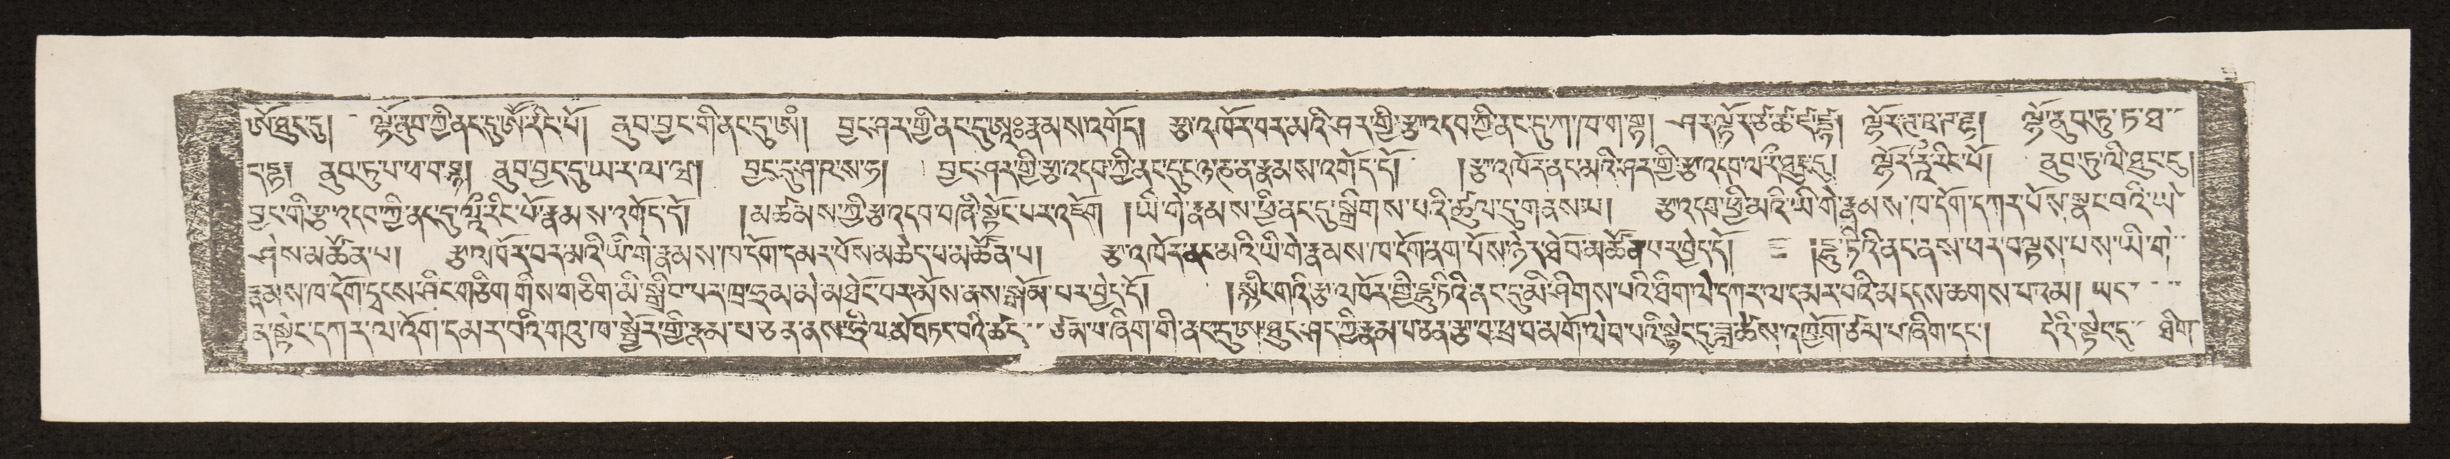ཨོ་ཐུད་དུ། ལྷོ་ནུབ་ཀྱི་ནང་དུ་ཨཽ་རིང་བོ། ནུབ་བྱང་གི་ནང་དུ་ཨཾ། བྱང་ཤར་གྱི་ནང་དུ་ཨཱཿརྣམས་འགོད། རྩ་འཁོར་བར་མའི་ཤར་གྱི་རྩ་འདབ་ཀྱི་ནང་དུ་ཀ་ཁ་ག་གྷ། ཤར་ལྷོར་ཙ་ཚ་ཛ་ཛྙ། ལྷོར་ཊ་ཊཿཨ་ཌ་ཌྷ། ལྷོ་ནུབ་ཏུ་ཏ་ཐ་
ད་དྷ༑ ནུབ་ཏུ་པ་ཕ་བ་བྷ། ནུབ་བྱང་དུ་ཡ་ར་ལ་ཝ། བྱང་དུ་ཤ་ཥ་ས་ཧ། བྱང་ཤར་གྱི་རྩ་འདབ་ཀྱི་ནང་དུ་ང་ཉ་ཎ་ན་རྣམས་འགོད་དོ། །རྩ་འཁོར་ནང་མའི་ཤར་གྱི་རྩ་འདབ་ལ་རྀ་ཐུང་དུ། ལྷོར་རཱྀ་རིང་བོ། ནུབ་ཏུ་ལཾ་ཐུང་
དུ༑ བྱང་གི་རྩ་འདབ་ཀྱི་ནང་དུ་ལཱཾ་རིང་པོ་རྣམས་འགོད་དོ། །མཚམས་ཀྱི་རྩ་འདབ་བཞི་སྟོང་བར་འཇོག། ཡི་གེ་རྣམས་ཕྱི་ནང་དུ་སྒྲིགས་པའི་ཚུལ་དུ་གནས་པ། རྩ་འདབ་ཕྱི་མའི་ཡི་གེ་རྣམས་ཁ་དོག་དཀར་པོས་སྣང་པའི་ཡེ་
ཤེས་མཚོན་བ། རྩ་འཁོར་བར་མའི་ཡི་གེ་རྣམས་ཁ་དོག་དམར་པོས་མཆེད་བ་མཚོན་བ། རྩ་འཁོར་ནང་མའི་ཡི་གེ་རྣམས་ཁ་དོག་ནག་བོས་ཉེར་ཐོབ་མཚོན་བར་བྱེད་དོ། །དྷུ་ཧིའི་ནང་ནས་ཕར་བལྟས་པས་ཡི་གེ་
རྣམས་ཁ་དོག་དྭངས་ཤིང་གཅིག་གིས་གཅིག་མི་སྒྲིབ་བར་ཁྲ་ཧྲམ་མེ་མཐོང་བར་མོས་ནས་སྒོམ་བར་བྱེད་དོ། །སྙིང་གའི་རྩ་འཁོར་གྱི་དྷུ་ཏིའི་ནང་དུ་མི་ཤིགས་པའི་ཐིག་ལེ་དཀར་ལ་དམར་པའི་མདངས་ཆགས་པ་འམ། ཡང་
ན་སྟེང་དཀར་ལ་འོག་དམར་བའི་གའུ་ཁ་སྦྱོར་གྱི་རྣམ་པ་ཅན་ནས་ཧྲིལ་མོ་བཏང་བའི་ཚད་ཙམ་བ་ཞིག་གི་ནང་དུ་ཨ་ཐུང་ཤད་ཀྱི་རྣམ་བ་ཅན་རྩ་བ་ཕྲ་བ་མགོ་ལེབ་པའི་སྟེང་དུ་ཟླ་ཚེས་འཁྱོག་ཙམ་པ་ཞིག་དང་། དེའི་སྟེང་དུ་ཐིག་